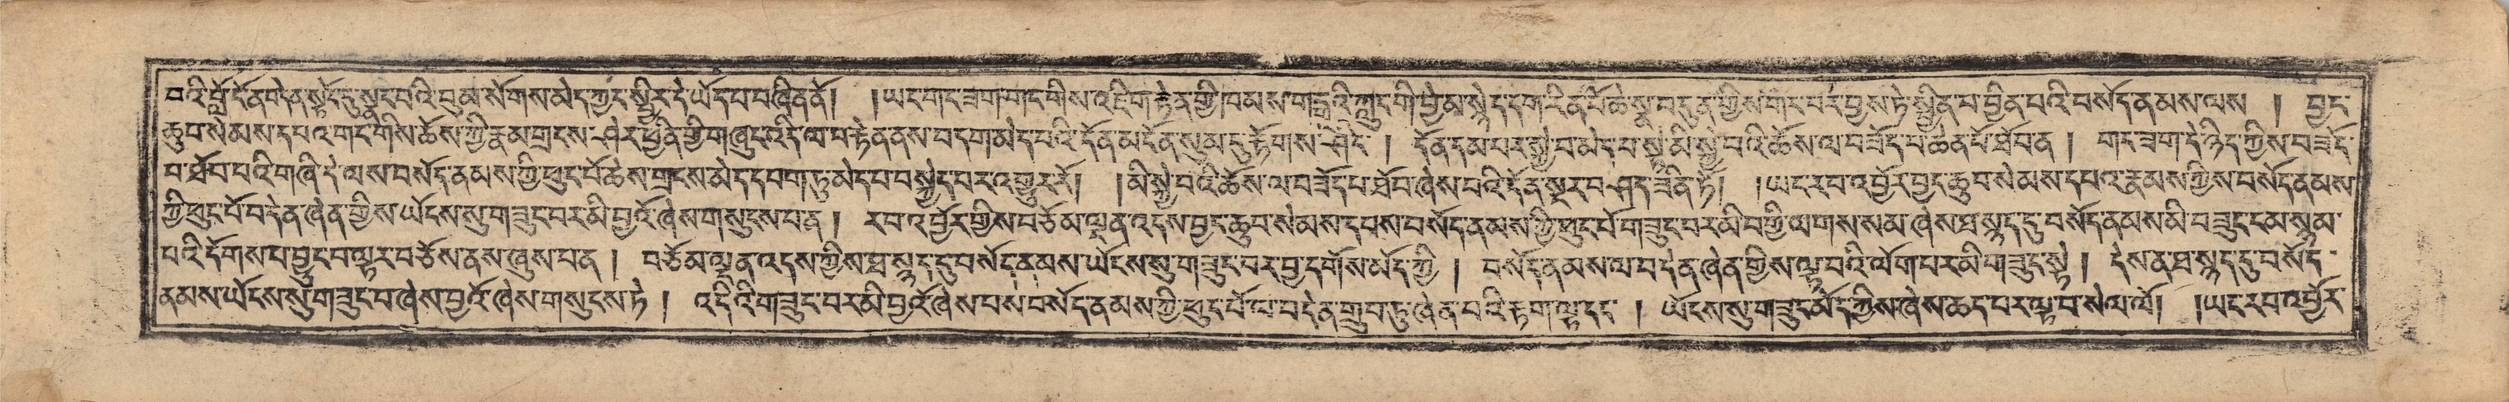པའི་བློ་དོན་བདེན་སྟོང་དུ་སྣང་བའི་བུམ་སོགས་མེད་ཀྱང་སྤྱིར་དེ་ཡོད་པ་བཞིན་ནོ། །ཡང་གང་ཟག་གང་གིས་འཇིག་རྟེན་གྱི་ཁམས་གང་གའི་ཀླུང་གི་བྱེ་མ་སྙེད་དག་རིན་པོ་ཆེ་སྣ་བདུན་གྱིས་གང་བར་བྱས་ཏེ་སྦྱིན་པ་བྱིན་པའི་བསོད་ནམས་ལས། བྱང་
ཆུབ་སེམས་དཔའ་གང་གིས་ཆོས་ཀྱི་རྣམ་གྲངས་ཤེར་ཕྱིན་གྱི་གཞུང་འདི་ལ་བརྟེན་ནས་བདག་མེད་པའི་དོན་མངོན་སུམ་དུ་རྟོགས་ཤིང་། དོན་དམ་པར་སྐྱེ་བ་མེད་པ་སྟེ་མི་སྐྱེ་བའི་ཆོས་ལ་བཟོད་པ་ཆེན་པོ་ཐོབ་ན། གང་ཟག་དེ་ཉིད་ཀྱིས་བཟོད་
པ་ཐོབ་པའི་གཞི་དེ་ལས་བསོད་ནམས་ཀྱི་ཕུང་པོ་ཆེས་གྲངས་མེད་དཔག་ཏུ་མེད་པ་བསྐྱེད་པར་འགྱུར་རོ། །མི་སྐྱེ་བའི་ཆོས་ལ་བཟོད་པ་ཐོབ་ཞེས་པའི་དོན་སྔར་བཤད་ཟིན་ཏོ། །ཡང་རབ་འབྱོར་བྱང་ཆུབ་སེམས་དཔའ་རྣམས་ཀྱིས་བསོད་ནམས་
ཀྱི་ཕུང་པོ་བདེན་ཞེན་གྱིས་ཡོངས་སུ་གཟུང་བར་མི་བྱའོ་ཞེས་གསུངས་པ་ན། རབ་འབྱོར་གྱིས་བཅོམ་ལྡན་འདས་བྱང་ཆུབ་སེམས་དཔས་བསོད་ནམས་ཀྱི་ཕུང་པོ་གཟུང་བར་མི་བགྱི་ལགས་སམ་ཞེས་ཐ་སྙད་དུ་བསོད་ནམས་མི་བཟུང་ངམ་སྙམ་
པའི་དོགས་པ་བྱུང་བ་ལྟར་བཅོས་ནས་ཞུས་པ་ན། བཅོམ་ལྡན་འདས་ཀྱིས་ཐ་སྙད་དུ་བསོད་ནམས་ཡོངས་སུ་གཟུང་བར་བྱ་དགོས་མོད་ཀྱི། བསོད་ནམས་ལ་བདེན་ཞེན་གྱིས་ལྟ་བའི་ལོག་པར་མི་གཟུང་སྟེ། དེས་ན་ཐ་སྙད་དུ་བསོད་
ནམས་ཡོངས་སུ་གཟུང་བ་ཞེས་བྱའོ་ཞེས་གསུངས་ཏེ། འདིའི་གཟུང་བར་མི་བྱའོ་ཞེས་པས་བསོད་ནམས་ཀྱི་ཕུང་པོ་ལ་བདེན་གྲུབ་ཏུ་ཞེན་པའི་རྟག་ལྟ་དང་། ཡོངས་སུ་གཟུང་མོད་ཀྱིས་ཞེས་ཆད་པར་ལྟ་བ་སེལ་ལོ། །ཡང་རབ་འབྱོར་